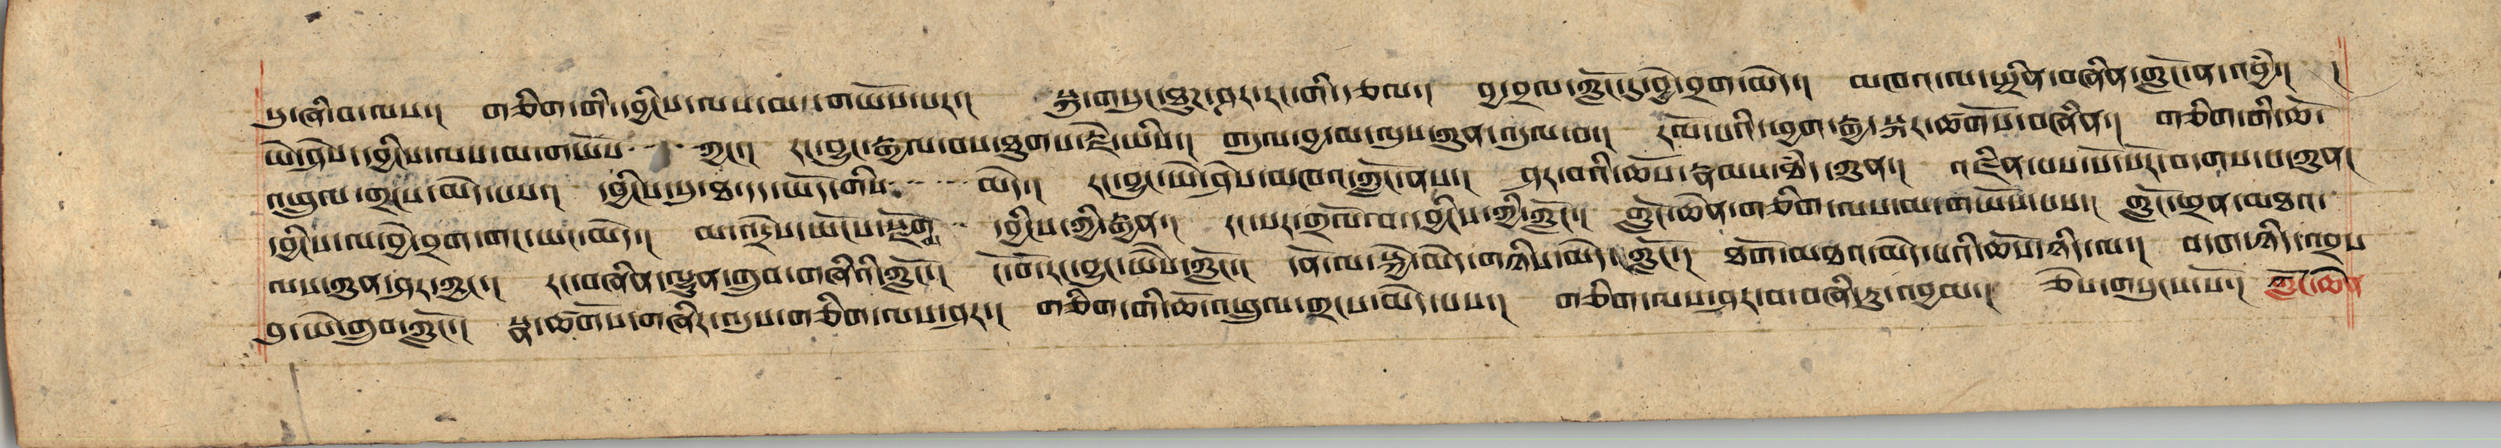སུ་ཞི་བ་ལས་། གཅིག་གི་དབྱིངས་ལས་མ་གཡོས་པར་། སྐུ་གསུང་ཐུཌ་ཤར་རང་གི་རྩལ་། བྱ་བྲལ་ཀློང་དུ་བྱེ་བྲག་མེད་། མཁའ་ལ་སྤྲིན་བཞིན་ཀློང་ན་འབྱཾ་།
ཡེ་ཤེས་དབྱིངས་ལས་མ་གཡོས་་་ཀྱང་། རང་བྱུང་རྒྱལ་བས་ཐུགས་རྗེ་ཡིས་། གདུལ་བྱ་མ་ལུས་ཀུན་འདུལ་བ་། རོལ་པའི་ཕྱག་རྒྱ་སྐར་ཚོགས་བཞིན་། གཅིག་གི་ཆོ་
འཕྲུལ་གྲངས་མེད་པས་། དབྱིངས་སུ་ཐ་དད་ཡོད་གིས་ མེད་། རང་བྱུང་ཡེ་ཤེས་མཁའ་ཀློང་ནས་། ཤར་བའི་ཆོས་རྣམས་ཐཾད་ཀུན་། འཛིན་པས་སོ་སོར་བདགས་པ་ཀུན།
དབྱྱིངས་ལ་བྱེ་བྲག་གང་ཡང་མེད་། མ་འདྲེས་ཡོངས་སྫོགས དབྱིངས་ཀྱི་རྒྱན་། རང་སར་གྲོལ་བ་དབྱིངས་ཀྱི་ཀློང་། གློང་ཆེན་གཅིག་ལས་མ་གཡོས་པས་། གློང་ཕྲན་མཐའ་
ལས་ཀུན་ཤར་ཀྱང་། རང་བཞིན་ལྷུན་གྲུབ་གཞིའི་ཀློང་། ངོ་བོ་རང་བྱུང་ཡཻས་ཀློང་། དོན་ལ་སྐྱེ་མེད་གཉིས་མེད་ཀློང་། ཐོག་མཐའ་མེད་པའི་ཆོས་ཉིད་ལ་། བདག་ཉིད་འབྲས
བུ་ཡེ་གྲུབ་ཀློང་། སྣ་ཚོགས་གཞིར་འདུས་གཅིག་ལས་ཤར་། གཅིག་གི་ཆོ་འཕྲུལ་གྲངས་མེད་པས་། གཅིག་ལས་ཤར་བ་བཞི་རུ་འབྱམ་། ཅེས་གསུངས་སོ་། ཀློང་ཆེན